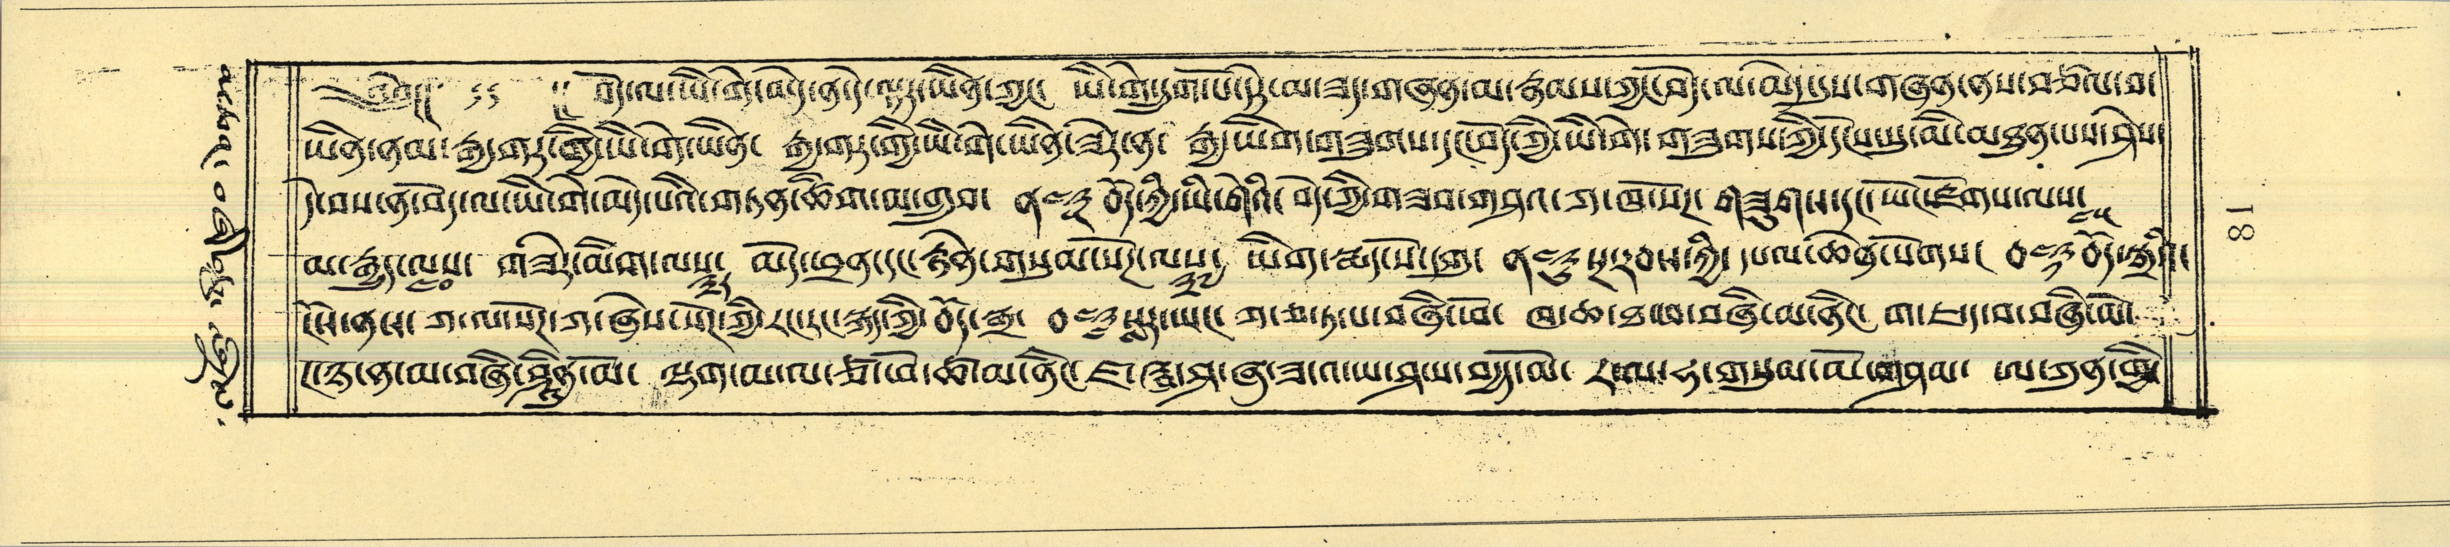བོད་ལ་ཡི་གེ་མེད་ན་དེ་ལྟར་ཡིན་ཀྱང་། ཡི་གེ་དྲུག་པོ་དེར་གཞན་མ་རྣམས་ཀྱང་བོད་ལ་མེད་དུས་གཞན་ནས་བཙལ་བ་
ཡིན་ནམ་རྒྱ་གར་གྱི་ཡི་གེ་ཡིན། རྒྱ་གར་གྱི་ཡི་གེ་ཡིན་ཟེར་ན། རྒྱ་ཡིག་གཟུགས་དང་བོད་ཀྱི་ཡི་གེ་གཟུགས་ཀྱི་དངོས་སུ་མི་མཐུན་པས་ཤེས། 
དེ་བས་ན་བོད་ལ་ཡི་གེ་མེད་པའི་གཏན་ཚིགས་མ་གྲུབ། ན༤༢།༥༼བོད་ཀྱི་ཡི་གེའི༽བོད་ཀྱི་གཟབ་གཤའ་ཀ་ཁ་སོགས་༼གཟུགས་དང་༽ཡོངས་རྫོགས་ལས་
མ་རྒྱུད་ལས་༤༠ གཟེར་མིག་ལས་༣༨ མདོ་ཕྲན་དང་རྟེན་གསུམ་སོགས་ལས་༣༧ ཡིག་སྨད་སོ་དགུ་ན༤༢།༦༼སྔ་རབས་ཀྱི༽དཔལ་ཆེན་སོགས་བ༤༢།༡༼བོད་སྒྲའི་
ངོས་ནས༽ཀ་ལ་སོགས་ཀ་ཞེས་སོགས་ཀྱི་རང་རང་སྐད་ཀྱི་༼བོད༽སྒྲ་བ༤༢།༤༼སླར་ཡང༽ཀ་ཅ་ཏ་པ་བཞི་ཕོ་ཁ་ཆ་ཐ་ཕ་བཞི་མ་ནིང་ག་ཇ་ད་བ་བཞི་མོ་
ང་ཉ་ན་མ་བཞི་ཤིན་ཏུ་མོ་ལྷག་མ་ལ་ཙ་ཕོ་ཚ་མ་ནིང་ཛ་ཝ་ཤ་ཞ་ཟ་འ་ཡ་ཤ་ས་བརྒྱད་མོ། ར་ལ་ཧ་གསུམ་མོ་གཤམ་ཨ་ཀུན་གྱི་